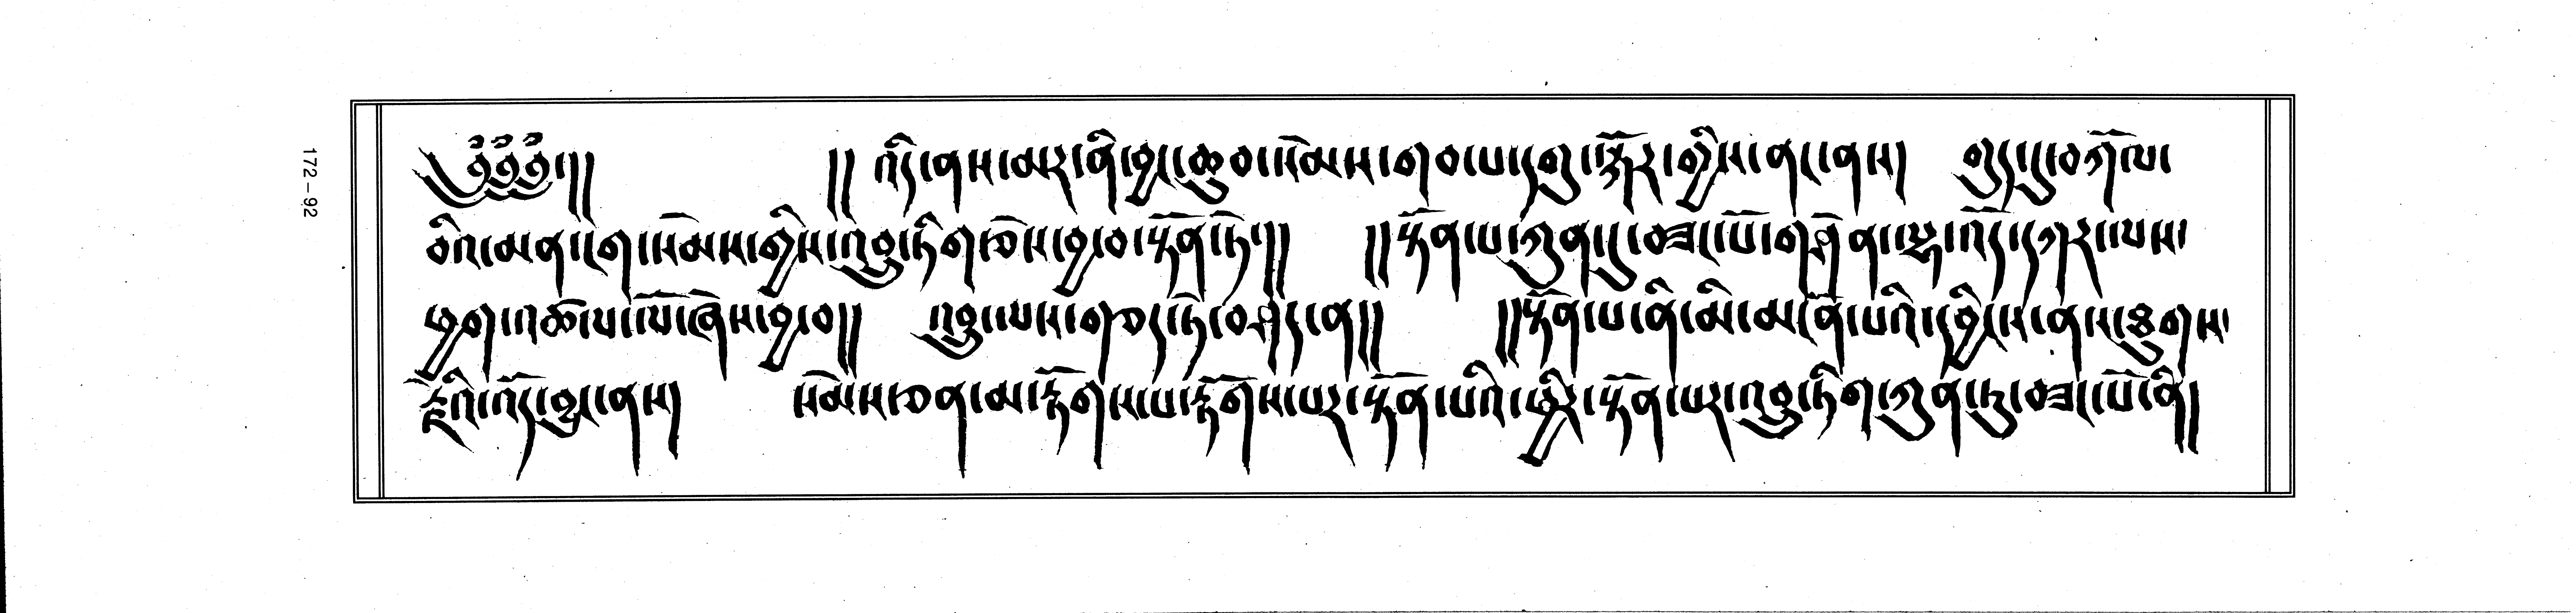༄༅༅།། །།འདི་ནས་མར་ནི་བྱང་ཆུབ་སེམས་གབ་པ་དགུ་སྐོར་གྱིས་ནང་ནས། གུད་དུ་བཀོལ་
བའི་མན་ངག་སེམས་གྱིས་འབྲུ་ཏིག་ཅེས་བྱ་བ་སྟོན་ཏེ། སྟོན་པ་ཀུན་དུ་བཟང་པོ་གཤེན་ལྷ་འོད་དཀར་ལས་
ཕྱག་འཚལ་ལོ་ཞེས་བྱ་བ། འབྲུ་ལས་གཅད་ཏེ་བཤད་ན། སྟོན་པ་ནི་མི་མངོན་པའི་དབྱིངས་ནས་ཐུགས་
རྗེའི་འོད་བྱུང་ནས། སེམས་ཅན་མ་རྟོགས་པ་རྟོགས་པར་སྟོན་པའི་ཕྱིར་སྟོན་པར་འབྲུ་ཏིག་ཀུན་ཏུ་བཟང་པོ་ནི།